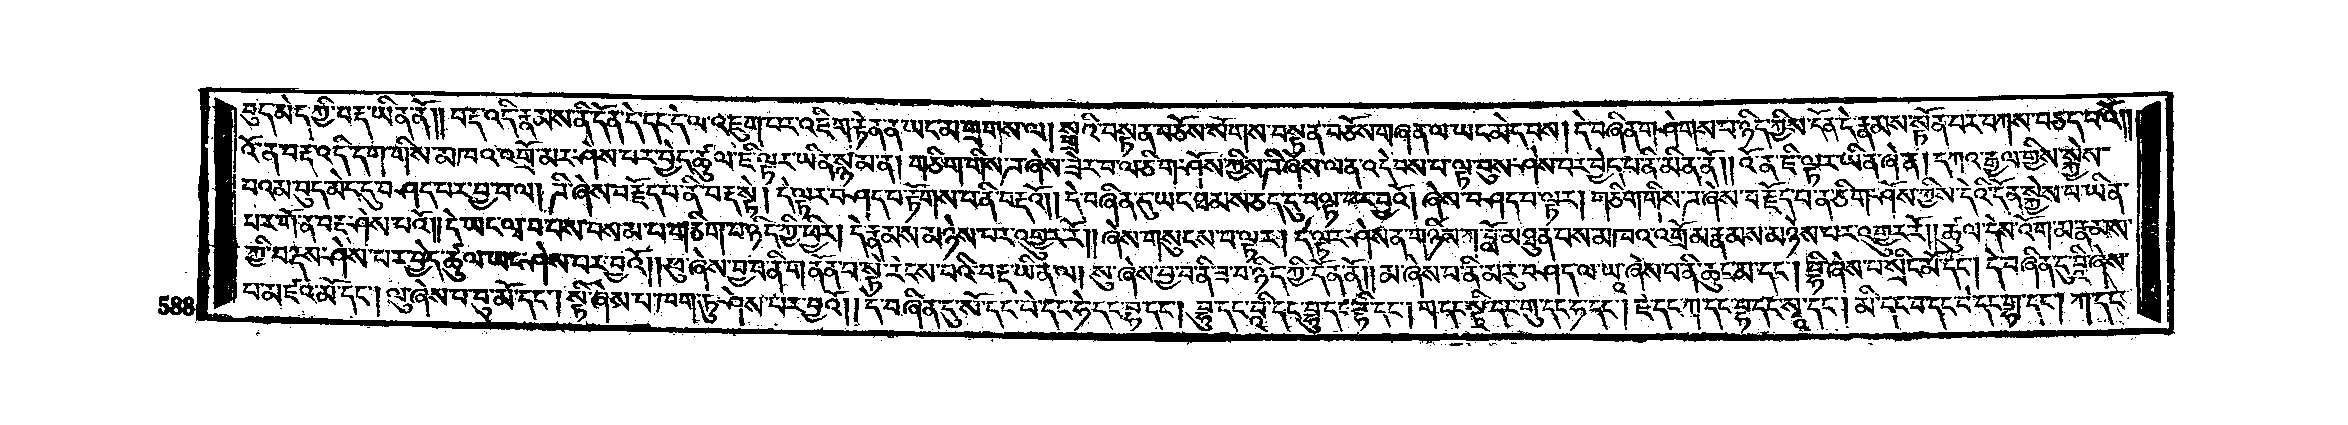བུད་མེད་ཀྱི་བརྡ་ཡིན་ནོ། །བརྡ་འདི་རྣམས་ནི་དོན་དེ་དང་དེ་ལ་འཇུག་པར་འཇིག་རྟེན་ན་ཡང་མ་གྲགས་ལ། སྒྲའི་བསྟན་བཅོས་སོགས་བསྟན་བཅོས་གཞན་ལ་ཡང་མེད་པས། དེ་བཞིན་གཤེགས་པ་ཉིད་ཀྱིས་དོན་དེ་རྣམས་སྟོན་པར་བཀས་བཅད་པའོ།།
འོ་ན་བརྡ་འདི་དག་གིས་མཁའ་འགྲོ་མར་ཤེས་པར་བྱེད་ཚུལ་ཇི་ལྟར་ཡིན་སྙམ་ན། གཅིག་གིས་ཌ་ཞེས་ཟེར་བ་ལ་ཅིག་ཤོས་ཀྱིས་ཌི་ཞེས་ལན་འདེབས་པ་ལྟ་བུས་ཤེས་པར་བྱེད་པ་ནི་མིན་ནོ། །འོ་ན་ཇི་ལྟར་ཡིན་ཞེ་ན། དཀའ་རྒྱལ་གྱིས་སྐྱེས་
པའམ་བུད་མེད་དུ་བཤད་པར་བྱ་བ་ལ། ཌི་ཞེས་བརྗོད་པ་ནི་བརྡ་སྟེ། དེ་ལྟར་བཤད་པ་རྟོགས་པ་ནི་བརྡའོ། །དེ་བཞིན་དུ་ཡང་ཐམས་ཅད་དུ་བལྟ་བར་བྱའོ། ཞེས་བཤད་པ་ལྟར། གཅིག་གིས་ཌ་ཞེས་བརྗོད་པ་ན་ཅིག་ཤོས་ཀྱིས་དེའི་དོན་སྐྱེས་པ་ཡིན་
པར་གོ་ན་བརྡ་ཤེས་པའོ། །དེ་ཡང་ལྭ་བ་པས་བསམ་པ་གཅིག་པ་ཉིད་ཀྱི་ཕྱིར། དེ་རྣམས་མཉེས་པར་འགྱུར་རོ། །ཞེས་གསུངས་པ་ལྟར། དེ་ལྟར་ཤེས་ན་གཉིས་ཀ་བློ་མཐུན་པས་མཁའ་འགྲོ་མ་རྣམས་མཉེས་པར་འགྱུར་རོ། །ཚུལ་དེས་འོག་མ་རྣམས་
ཀྱི་བརྡས་ཤེས་པར་བྱེད་ཚུལ་ཡང་ཤེས་པར་བྱའོ། །ཕུ་ཞེས་བྱ་བ་ནི་གནོན་པ་སྟེ་རེངས་པའི་བརྡ་ཡིན་ལ། སུ་ཞེས་བྱ་བ་ནི་ཟ་བ་ཉིད་ཀྱི་དོན་ནོ། །མ་ཞེས་པ་ནི་མ་རུ་བཤད་ལ་ཡཱ་ཞེས་པ་ནི་ཆུང་མ་དང་། བྷི་ཞེས་པ་སྲིང་མོ་དང་། དེ་བཞིན་དུ་བའི་ཞེས་
པ་མཛའ་མོ་དང་། ལུ་ཞེས་པ་བུ་མོ་དང་། སྟི་ཞེས་པ་ཁྲག་ཏུ་ཤེས་པར་བྱའོ། །དེ་བཞིན་དུ་སོ་དང་པེ་དང་ཧེ་དང་བྷ་དང་། བྷུ་དང་བའི་དང་བྷུ་དང་ཌྷི་དང་། ག་དང་སྟྲི་དང་གུ་དང་ཧ་དང་། ཛ་དང་ཀ་དང་བྷ་དང་སྭཱ་དང་། མི་དང་བ་དང་པེ་དང་གྷ་དང་། ཀ་དང་